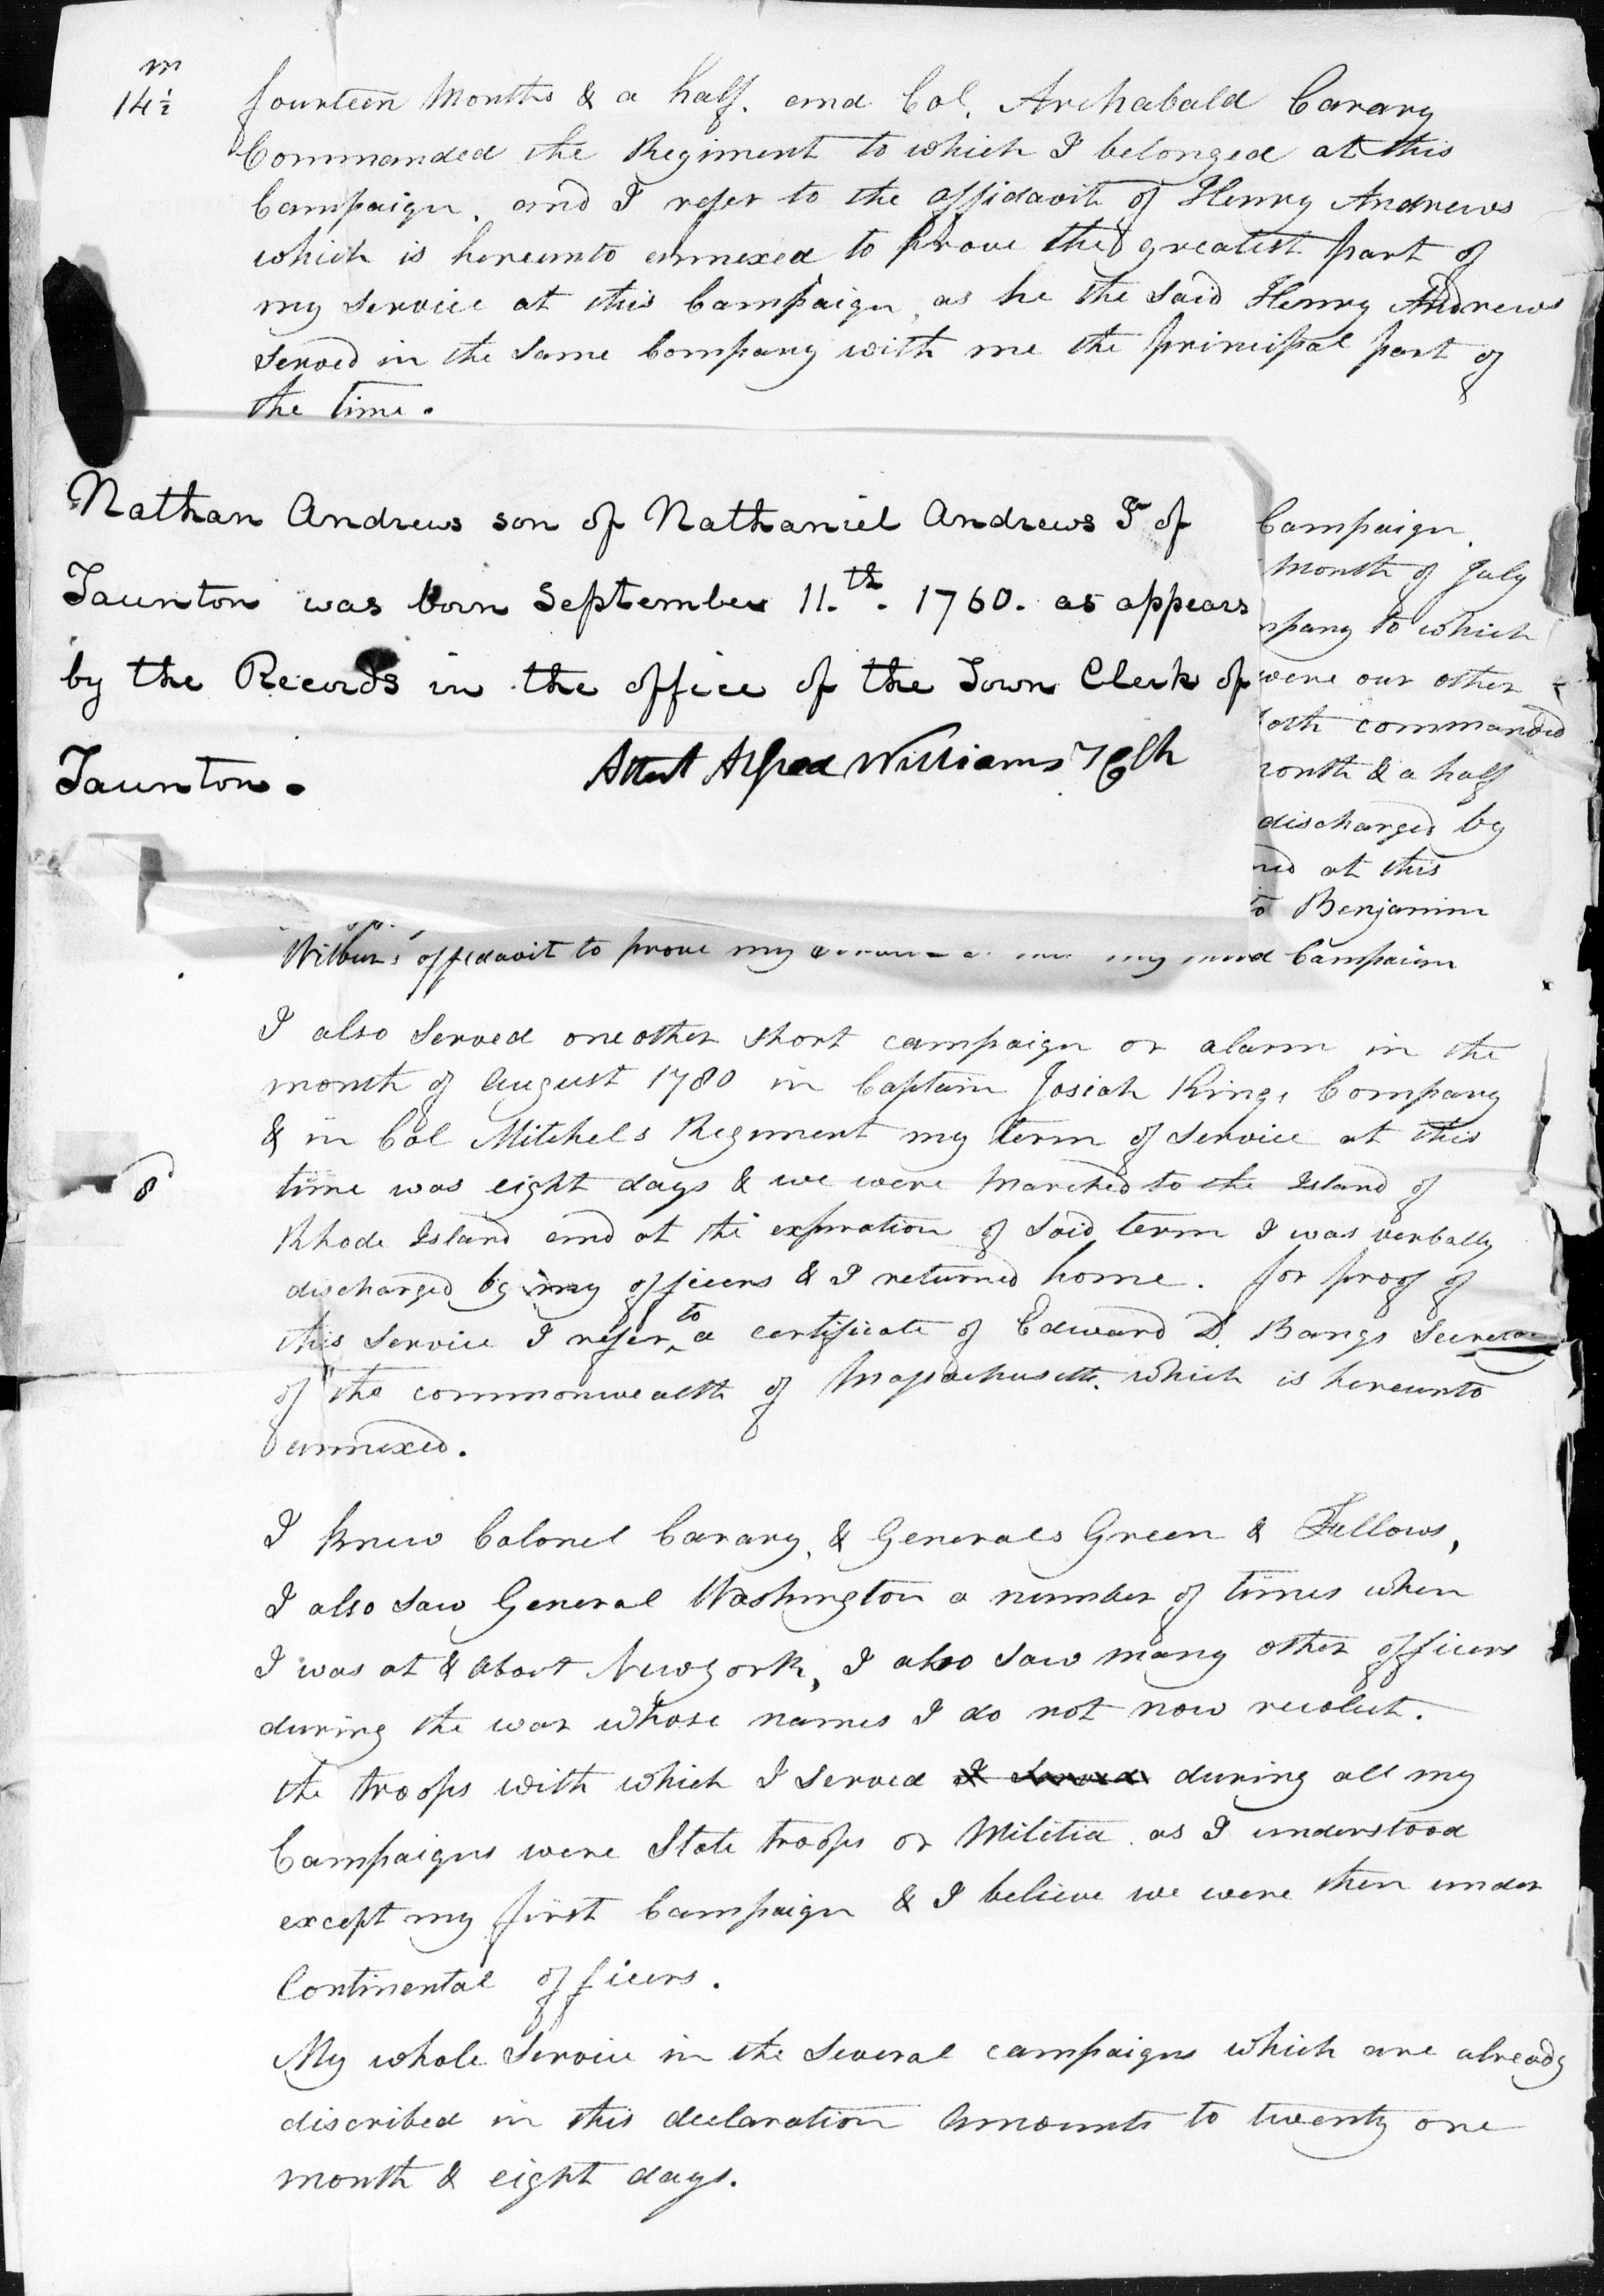[in margin: "m 14 1/2"] 
fourteen months & a half and Col Archabald Canary commanded the regiment to which I belonged at this campaign and I refer to the affidavit of Henry Andrews which is hereunto annexed to prove the greatest part of my service at this campaign as he the said Henry Andrews served in the same company with me the principal part of the time.

[attached note: "Nathan Andrews son of Nathaniel Andrews Jr of Taunton was born September 11th 1760 as appears by the records in the office of the Town Clerk of Taunton"]
[large section illegible due to attached note - above]

Benjamin Wilbur's affidavit to prove my [illegible] campaign.

I also served one other short campaign or alarm in the month of August 1780 in Captian Josiah Kings Company & in Col Mitchell's Regiment my term of service at this time was eight days & we were marched to the Island of Rhode Island and at the expiration of said term I was verbally discharged by my officers & I returned home. For proof of this service I refer to a certificate of Edward D Bangs Secretary of the Commonwealth of Massachusetts which is hereunto annexed.

I knew Colonel Canary & General Green & Fellows I also saw General Washington a number of times when I was at & about New York, I also saw many other officers during the war whose names I not now recollect. the troops with which I served during all my campaigns were state troops or militia as I understood except my first campaign & I believe we were when under Continental officers. My whole service in the several campaigns which are already described in this declaration amounts to twenty one month & eight days.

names: Nathaniel Andrews, Nathan Andrews, Carary, Henry Andrews, Edward D Bangs, Archabald Carary, Alfred Williams, Green, Fellows, Henry Andrews, Washington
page: 6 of 18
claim: survivor's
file: S. 29,590, Nathan Andrews, Mass R.I.